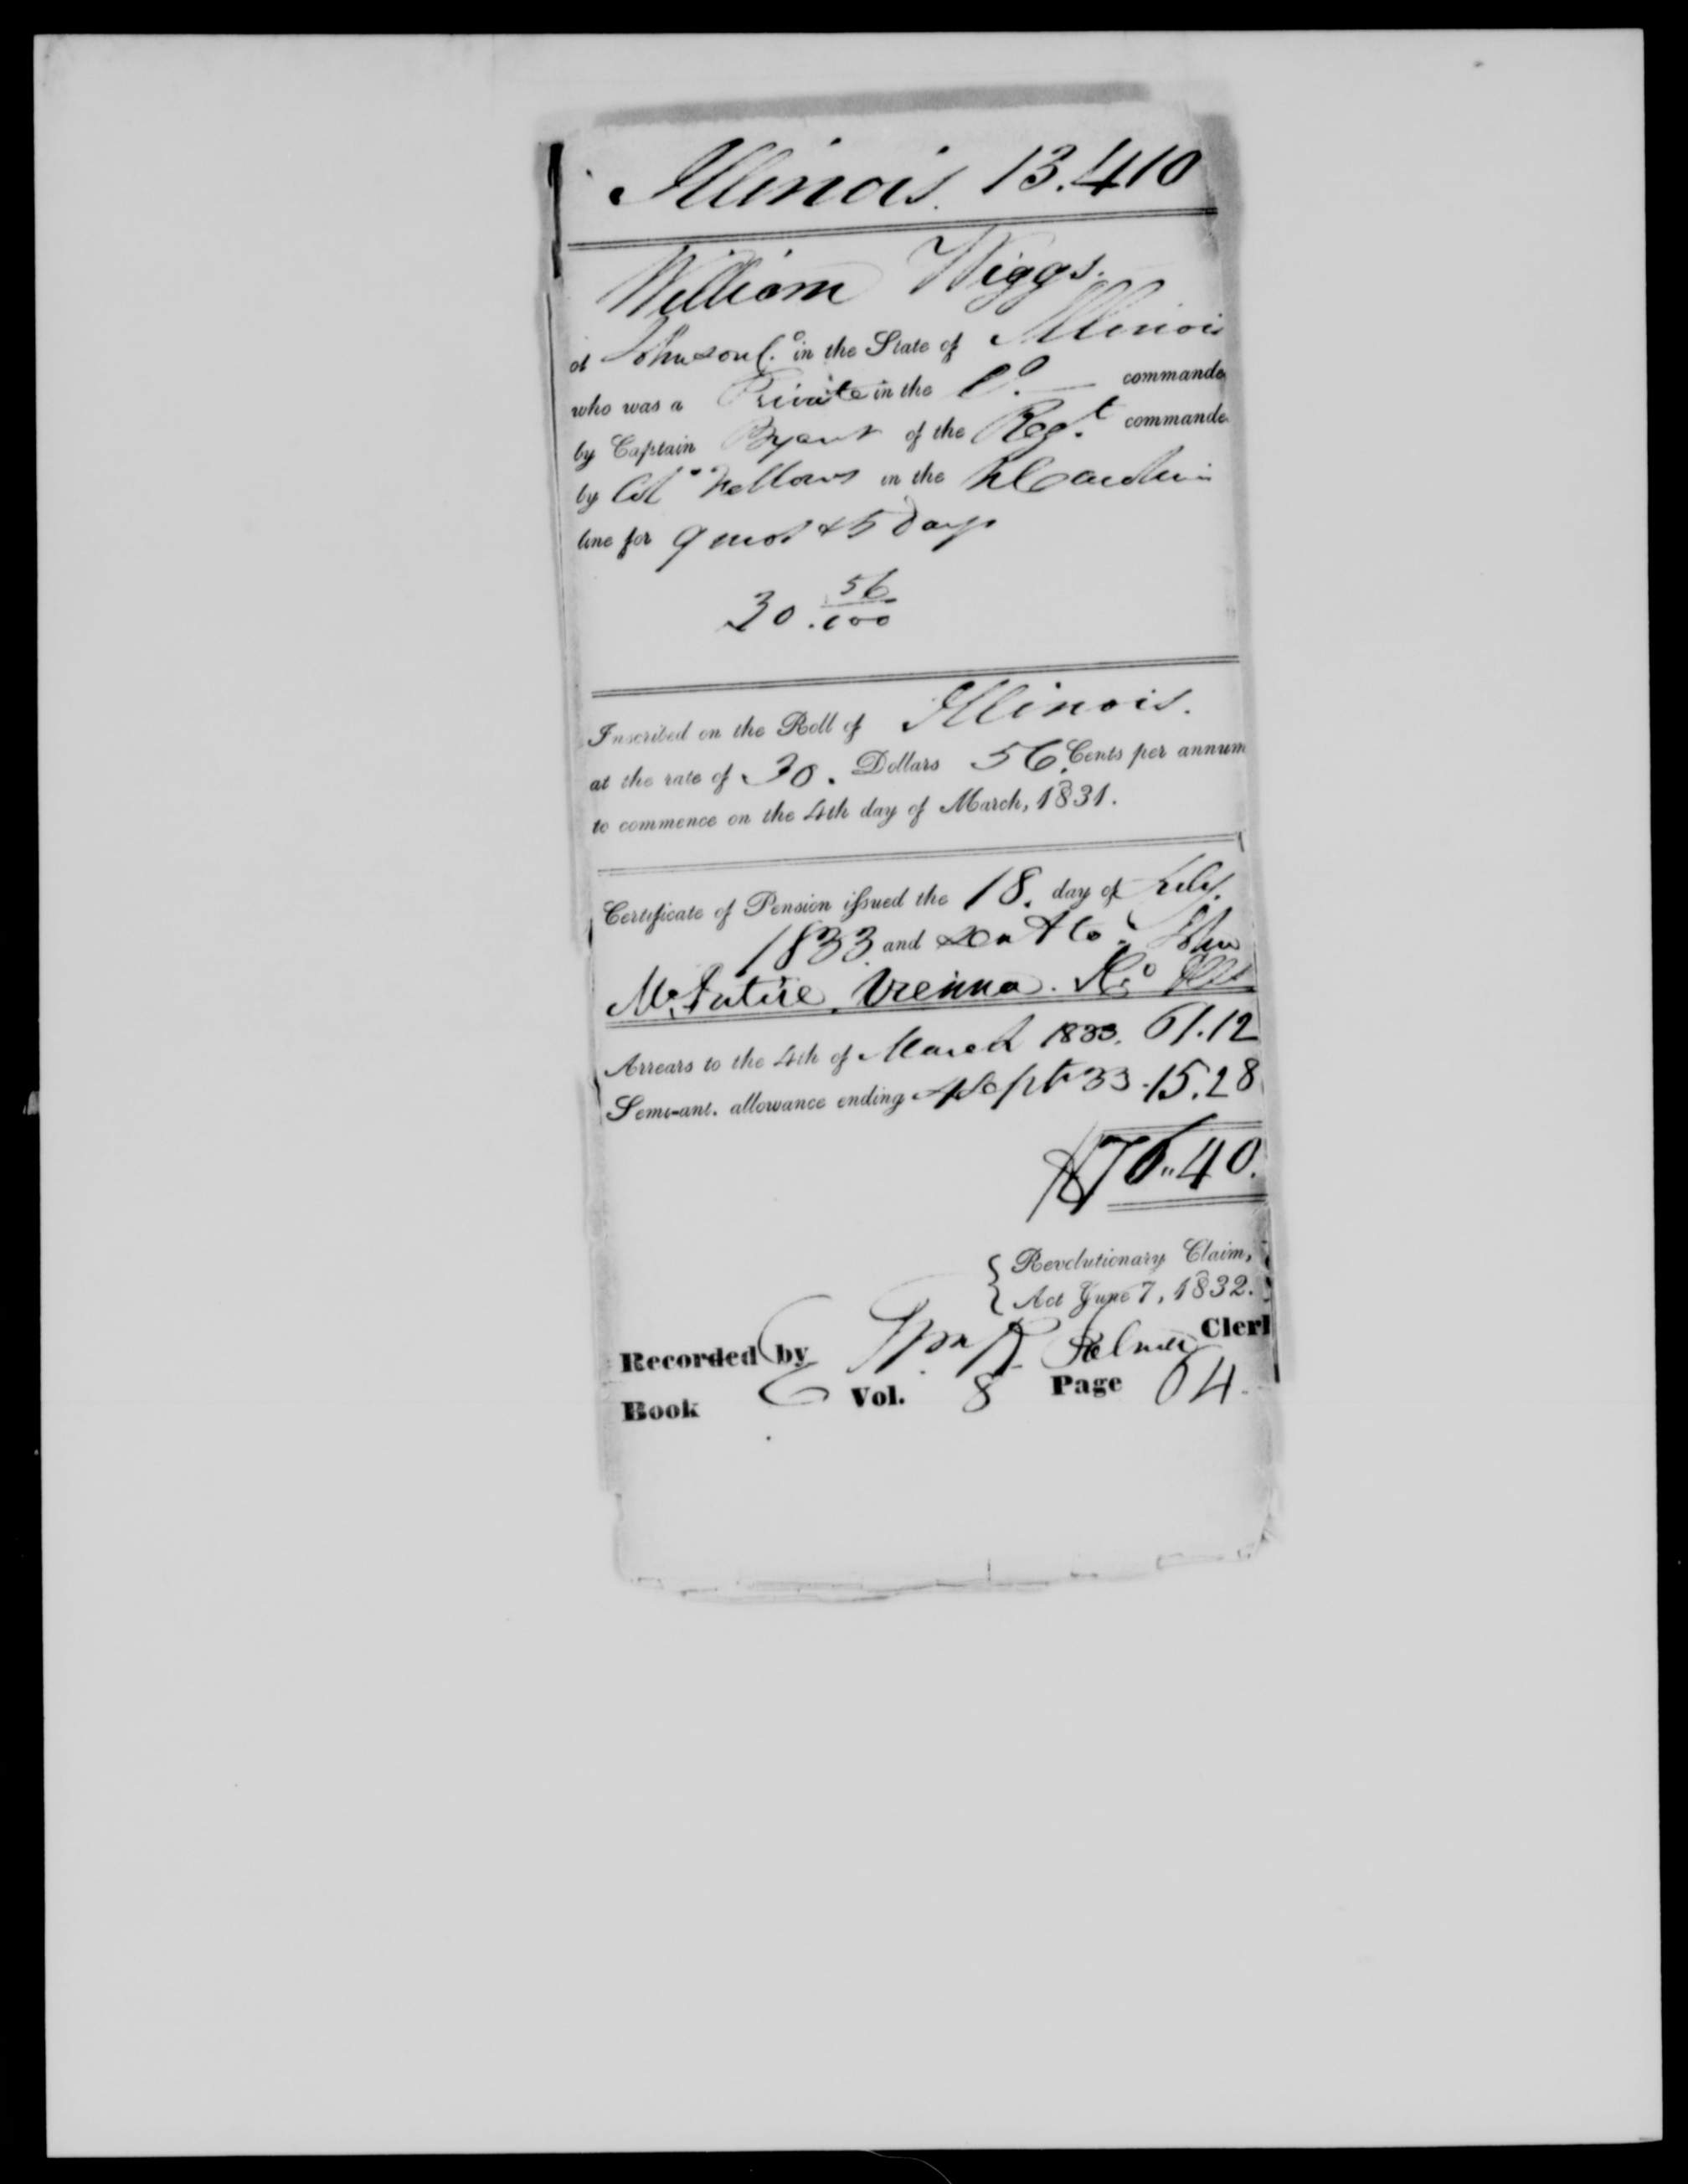Illinois 13.410
William Wiggs
of Johnson Co. in the State of Illinois
who was a Private in the [illegible] commanded
by Captain Bryant of the Regt commanded
by Col Fellows in the N Carolina
line for 9 mos & 5 days
30  56/100

Inscribed on the Roll of Illinois
the rate of 30. Dollars 56 Cents per annum
to commence on the 4th day of March, 1831.

Certificate of Pension issued the 18 day of July
1833 and sent to John
McIntire  Vienna Co Ill

Arrears to the 4th of March 1833.          61.12
Semi-anl. allowance ending 4 Sept 33   15.28.
                                                                    $76,40
Revolutionary Claim,
Act June 7, 1832

Recorded by  Wm R Palmer  Clerk
Book    6    Vol.    8    Page 64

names: William Wiggs, Wm R Palmer, Fellows, John Mc Intire, Byant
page: 2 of 31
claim: survivor's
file: S. 32608, William Wiggs, N.C.